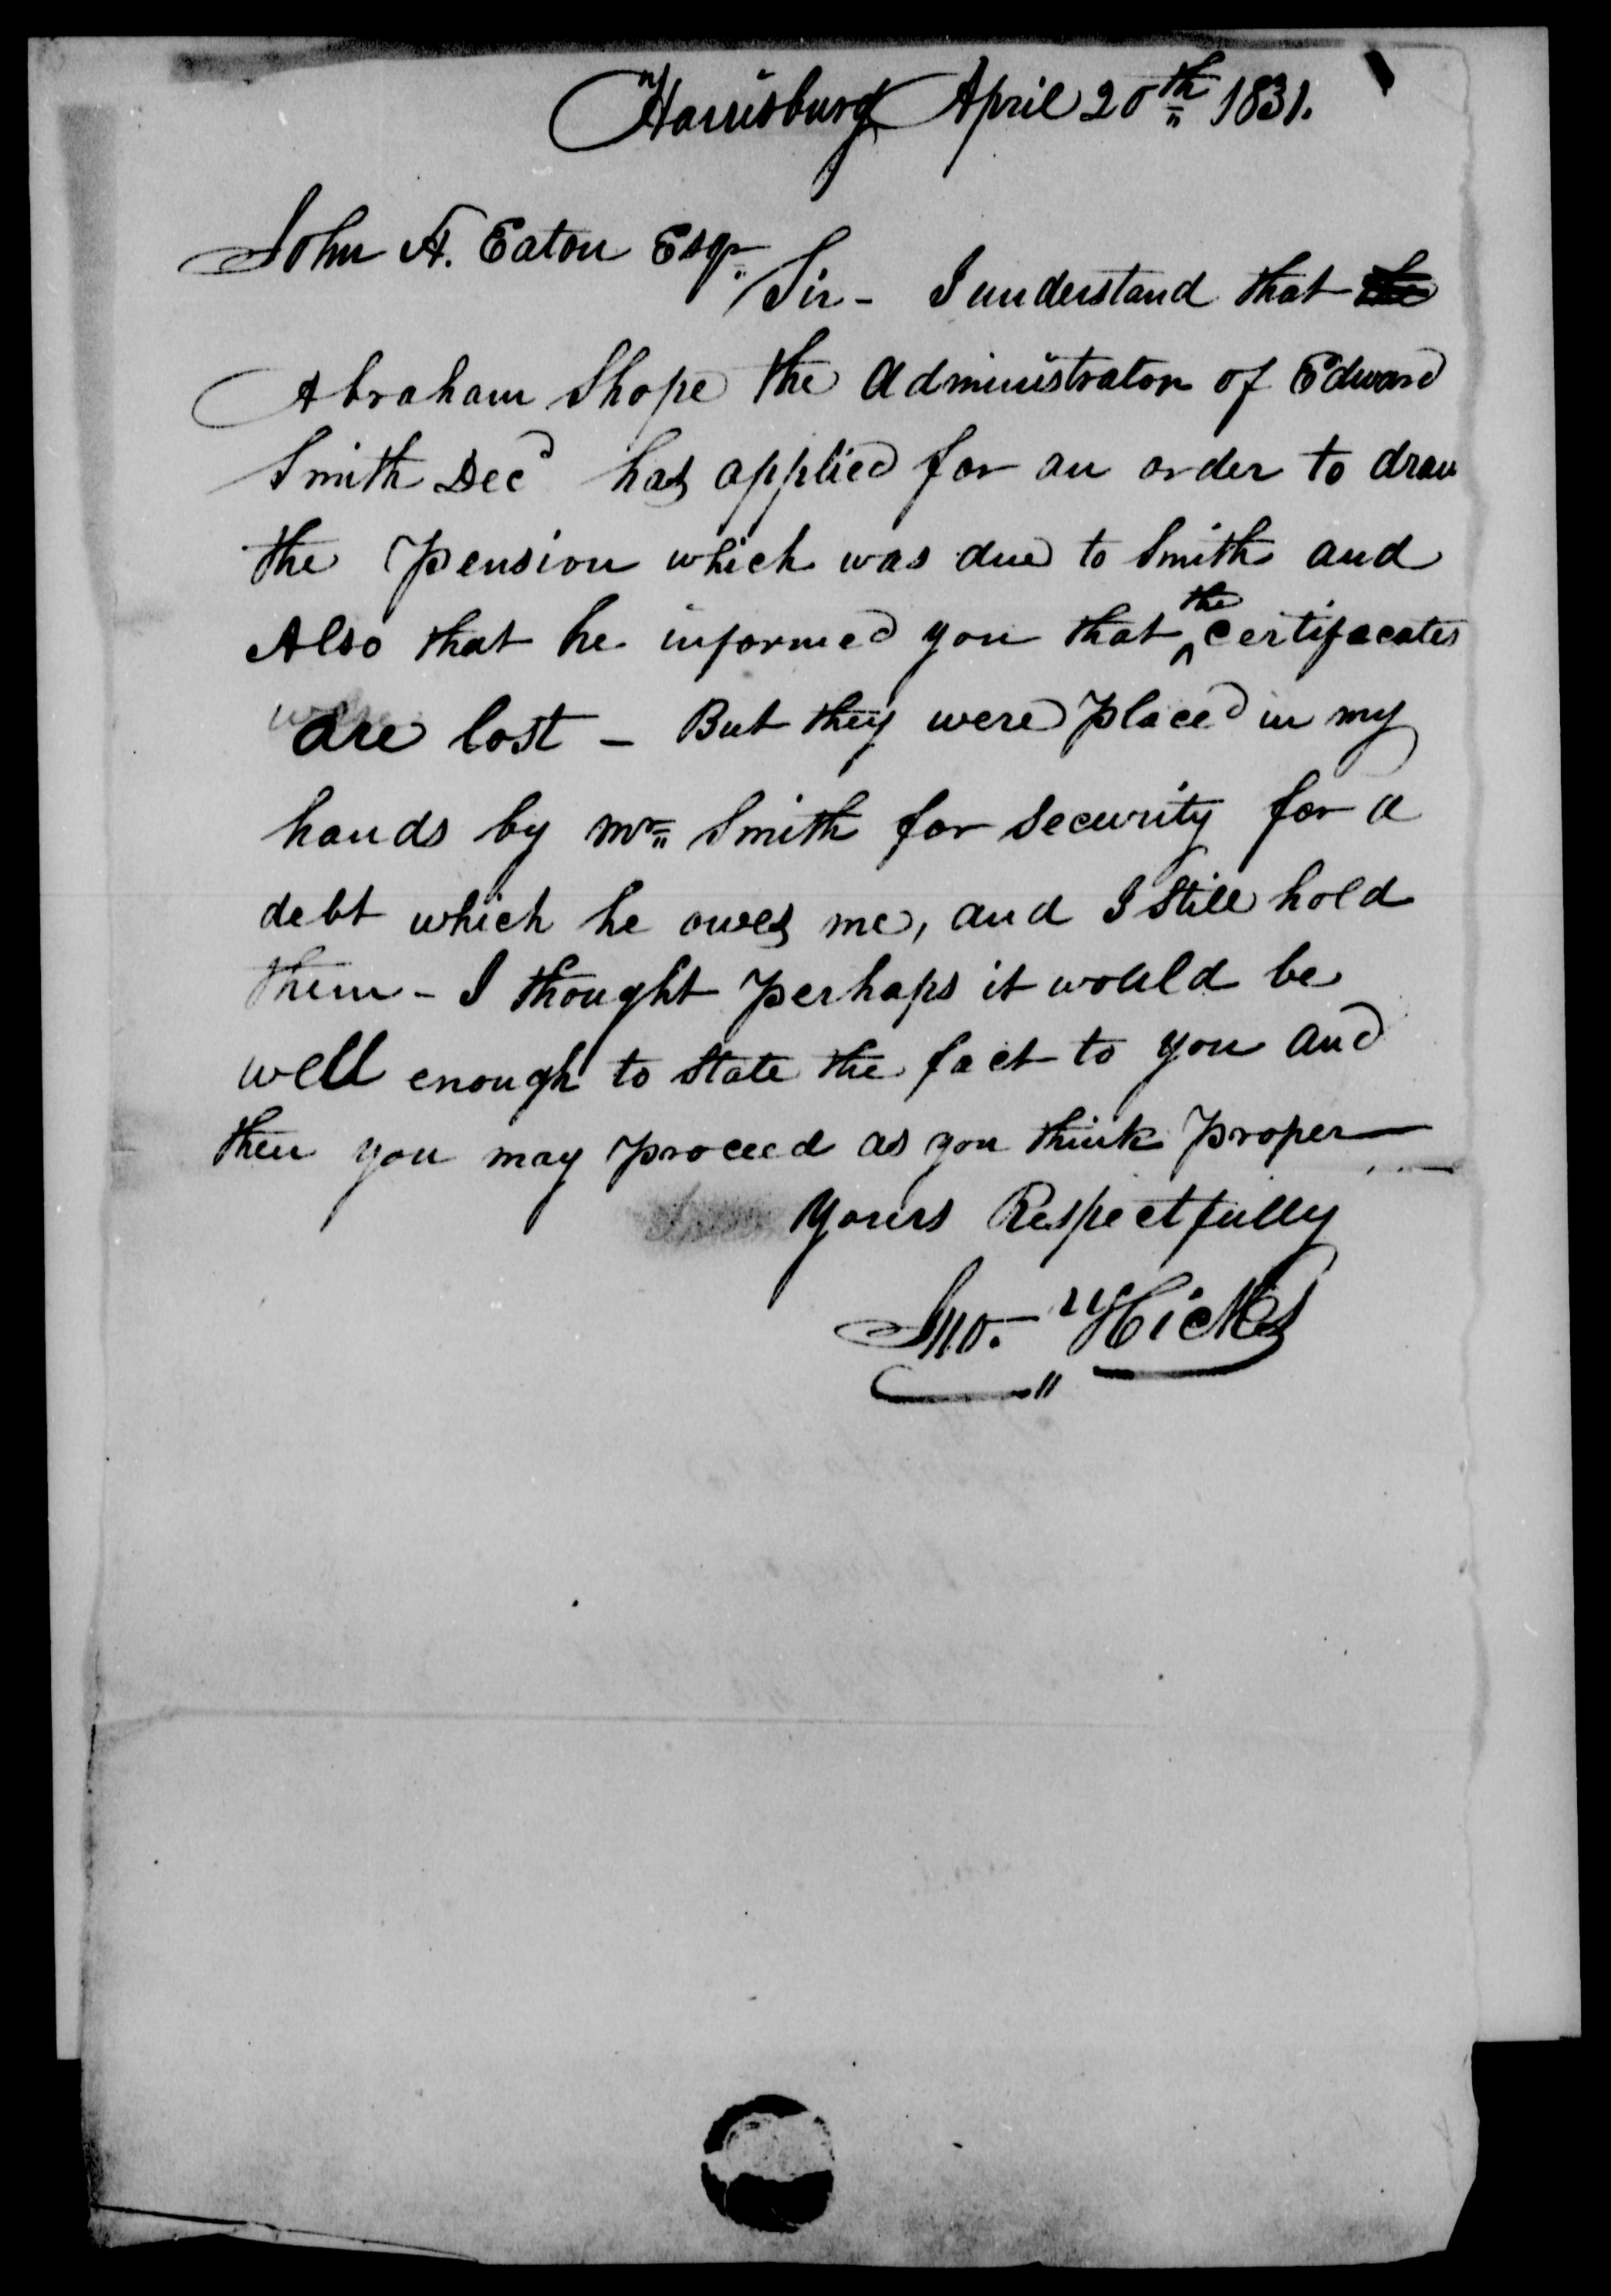Harrisburg April 20th 1831

John H. Eaton Esq. 
Sir-
I understand that Abraham Shope the Administrator of Edward Smith Decd. has applied for an order to draw the pension which was due to Smith and also that he informed you that the certificates are lost. But they were placed in my
hands by Mr. Smith for security for a
debt which he owes me, and I still hold
them-- I thought perhaps it would be
well enough to state the fact to you and
then you may proceed as you think proper.

Yours Respectfully,
Jno. Hicks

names: Jno Hicks; Abraham Shope; Edward Smith; [BLANK] Smith; John H Eaton; [BLANK] Smith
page: 14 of 20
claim: survivor's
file: S 40454, for Edward Smith, Pennsylvania